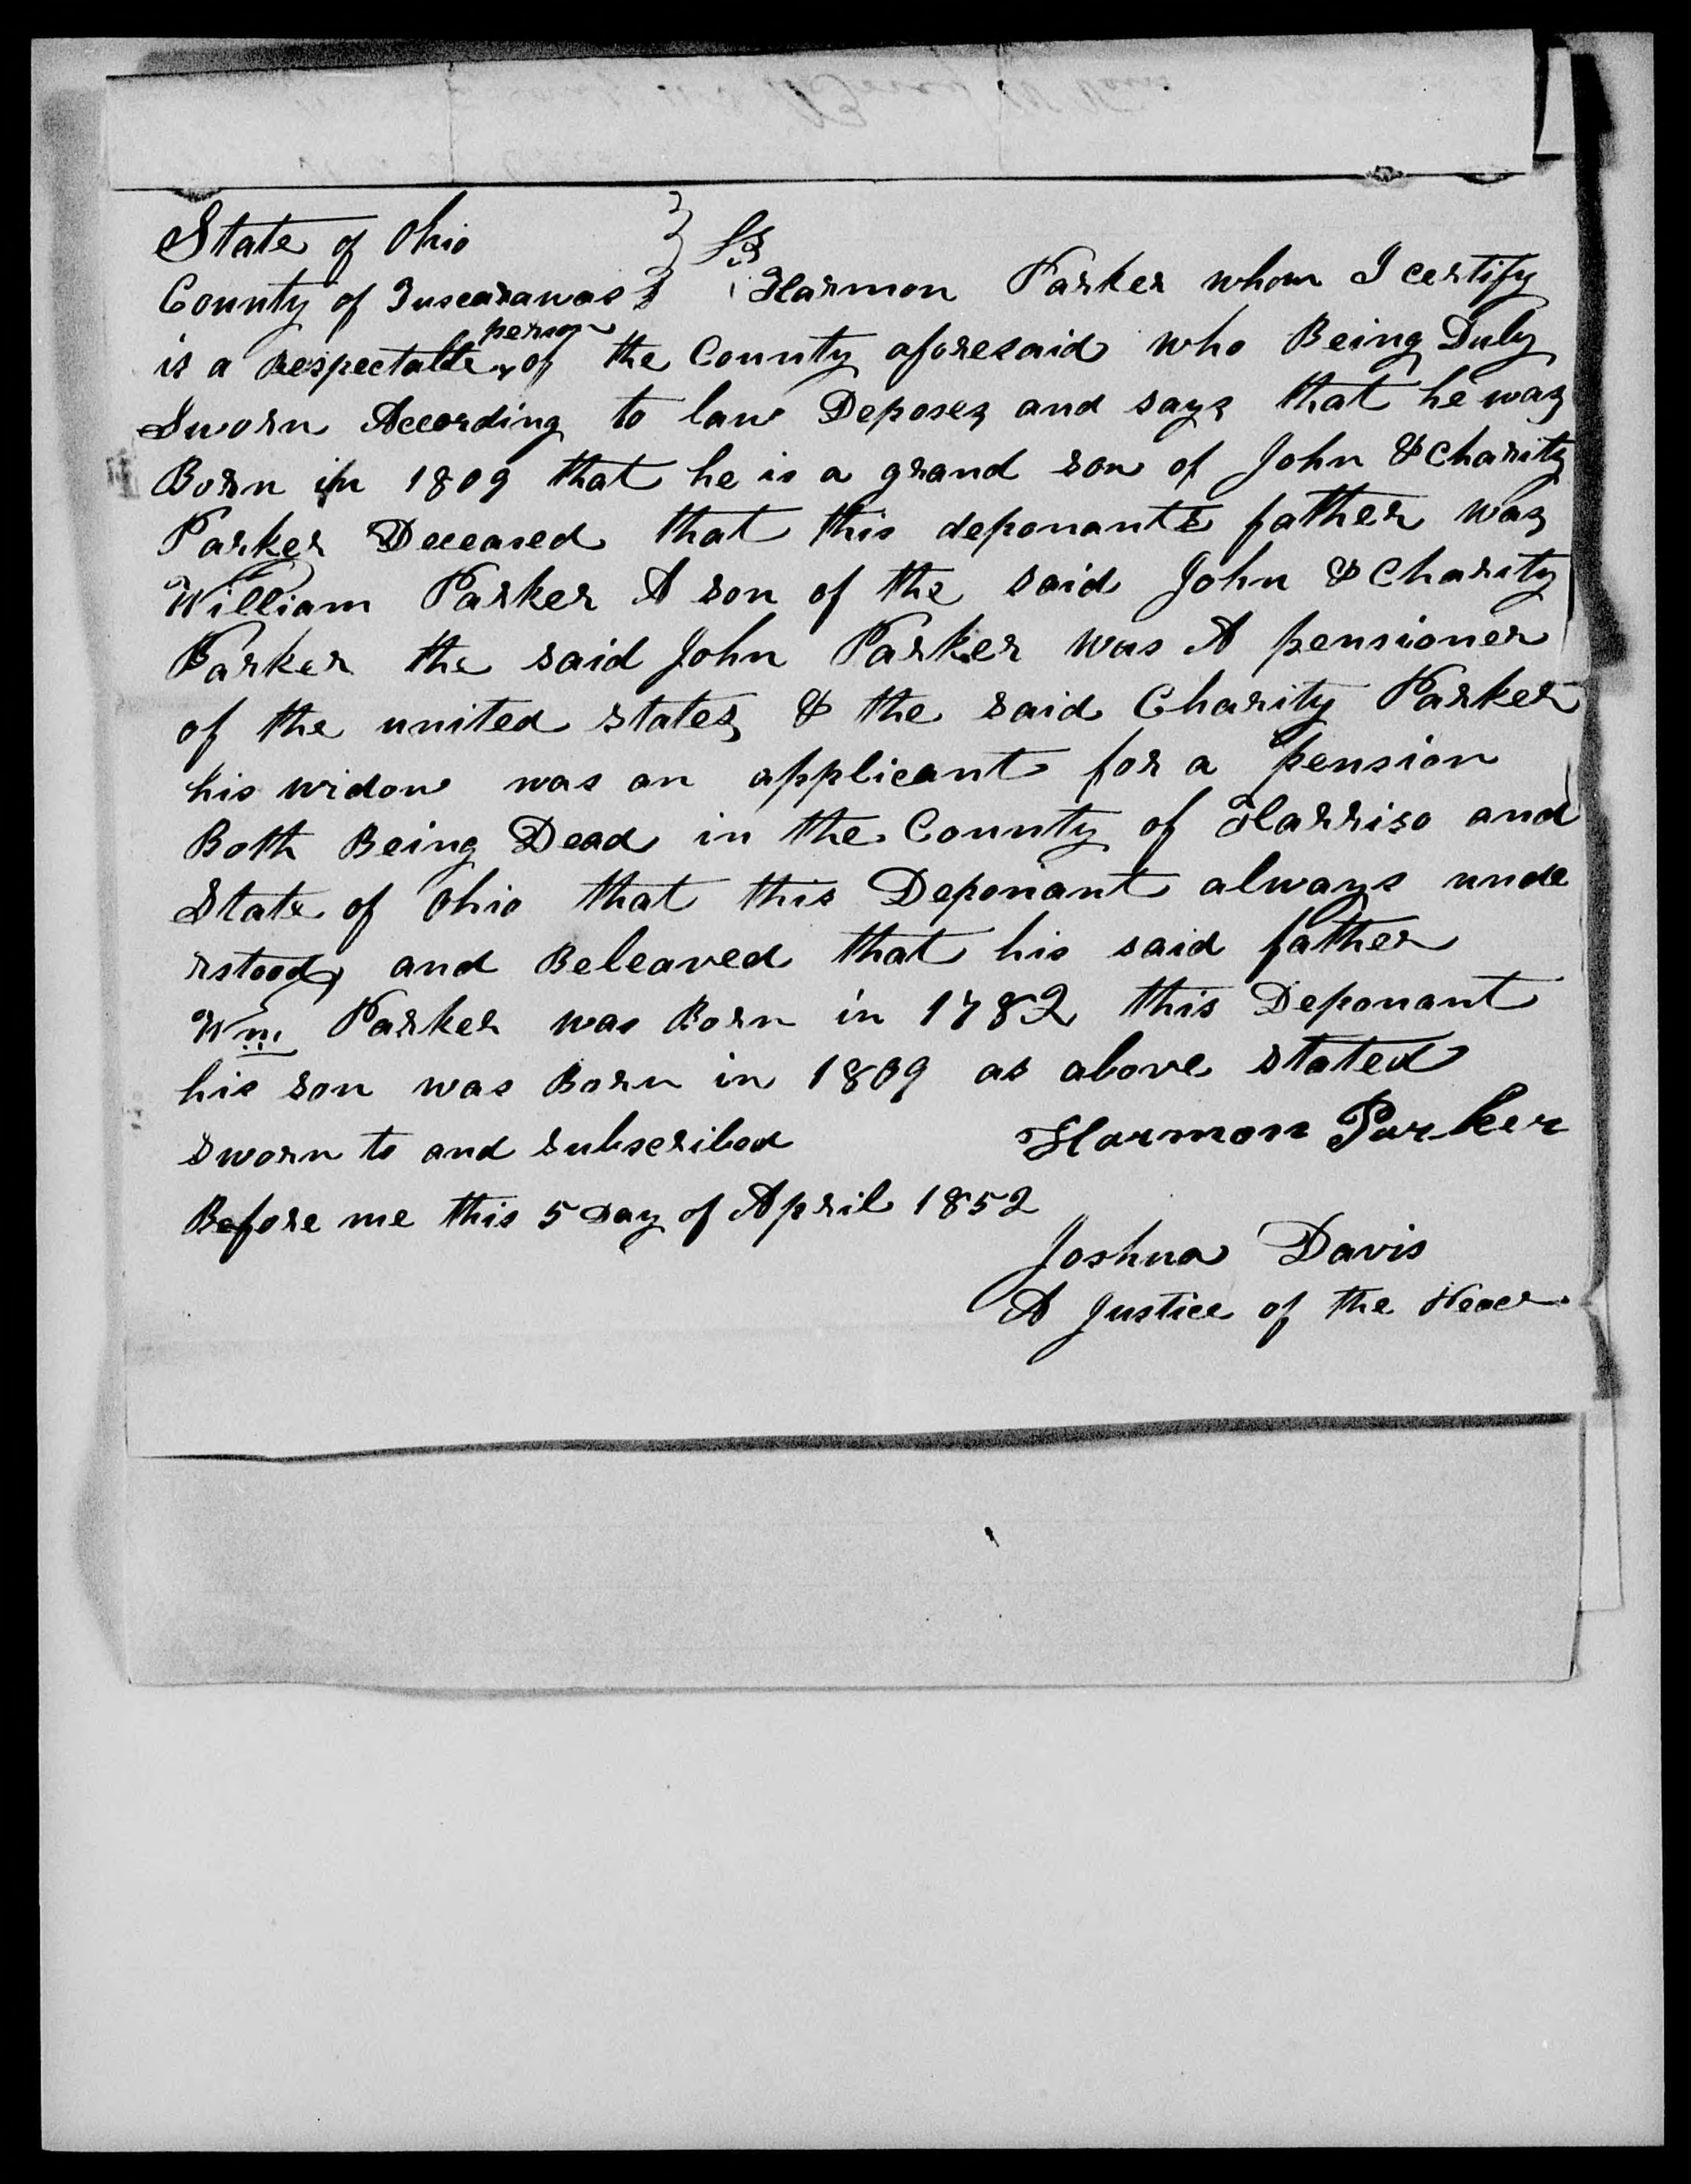State of Ohio }
Country of Tuscarawas} ss. Harmon Parker whom I certify is a respectable person of the County aforesaid who Being Duly Sworn According to law Deposes and says that he was Born in 1809 that he is a grand son of John & Charity Parker Deceased that this deponants [sic] father was William Parker A son of the said John Parker was A pensioner of the United States, & the said Charity Parker his widow was an applicant for a pension Both Being Dead in the County of Harrison and State of Ohio that the Deponant [sic] always understood and Beleaved [sic] that his said father Wm. Parker was Born in 1782 this Deponant [sic] his son was Born in 1809 as above stated.
//s//  Harmon Parker
Sworn to and subscribed Before me this 5 day of April 1852
//s// Joshua Davis A Justice of the Peace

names: John Parker; Joshua Davis; William Parker; Wm Parker; Harmon Parker; Charity Parker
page: 13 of 40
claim: widow's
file: W. 3,588, for John Parker, Pennsylvania